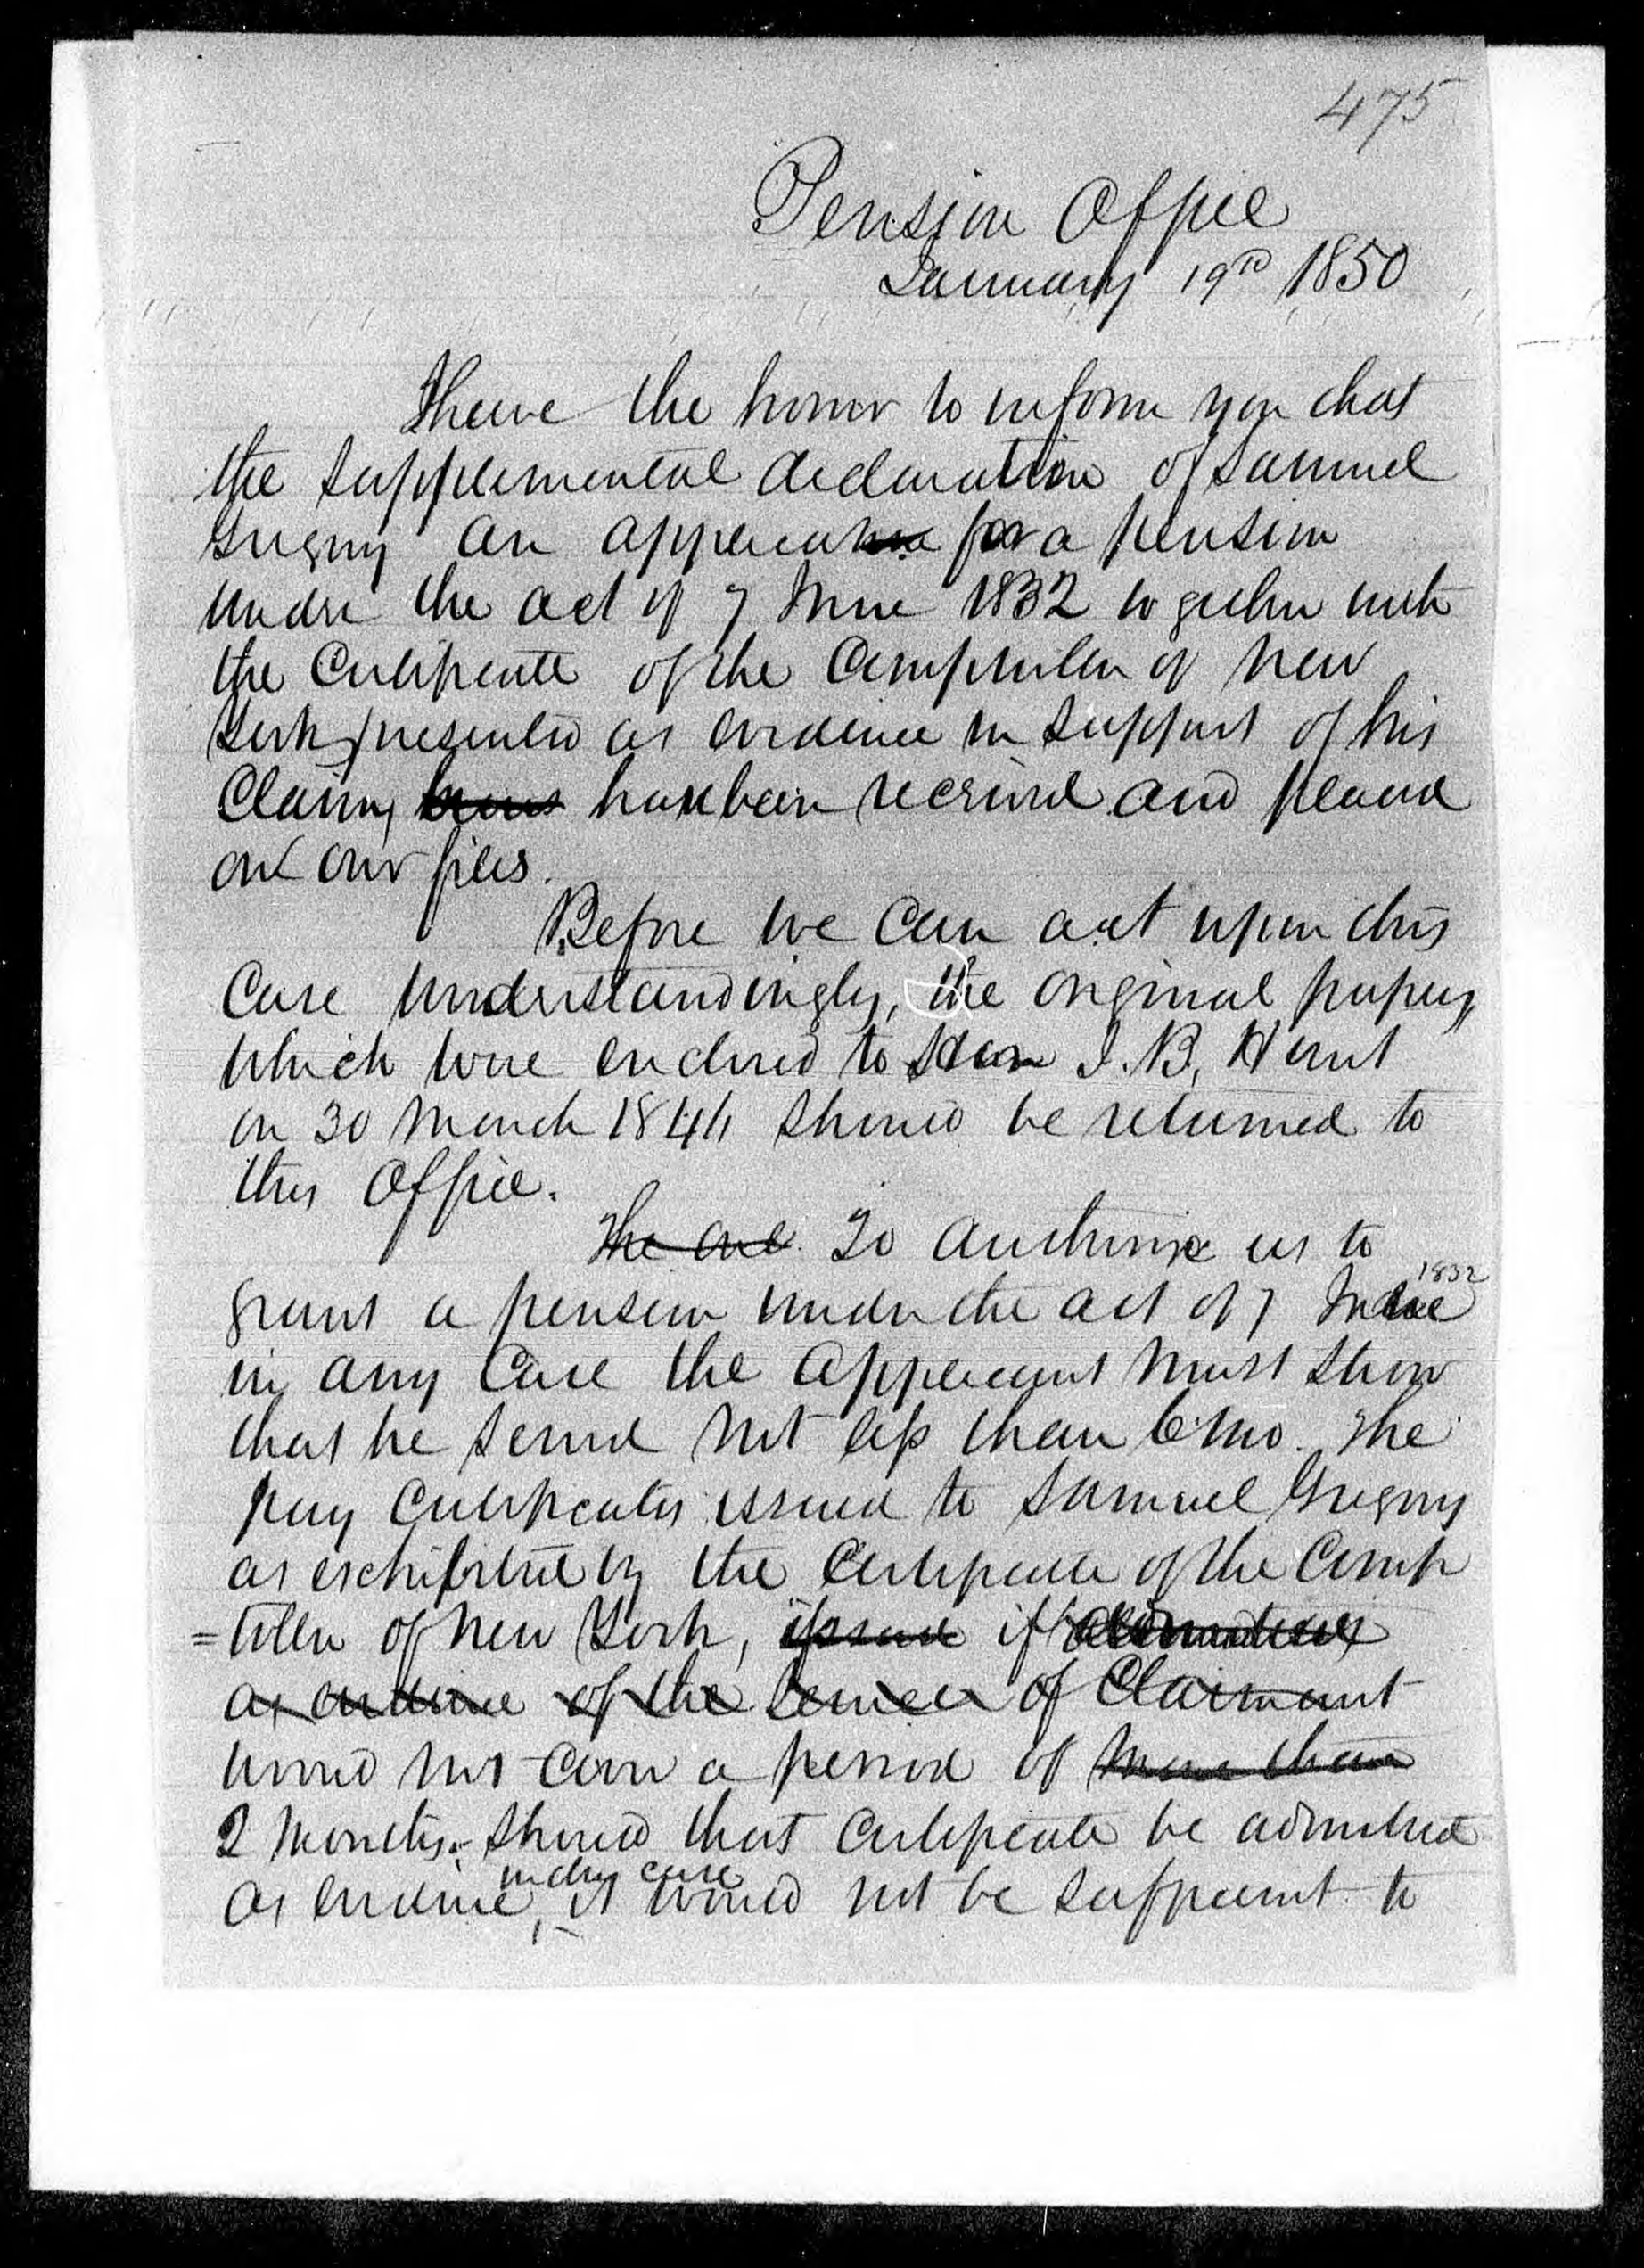Pension Office
January 19 1850

I have the honor to inform you that the supplemental declaration of Samuel Gregory an application for a pension under the Act of 7 June 1832 to [illegible] with the certificate of the comptroler of New York presented as evidence in support of his claim, have been received and placed on our files.

Before we can act upon this case understandingly, the original papers which were endorse to Hon J.B. Hunt in 30 March 1841, should be returned to this office.

To authorize us to grant a pension under the Act of 7 June 1832 in any case the applicant must show that he served not less than 6 mo. The pay certificates issued to Samuel Gregory as exhibited in the Certificate of the comptroller of New York, issued do not cover a period of 2 months should that certificate be admitted oas evidence  it would not be sufficient to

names: Samuel Gregory, J B Hunt, Samuel Gregory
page: 38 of 66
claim: rejected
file: R. 4298, Samuel Gregory, New York